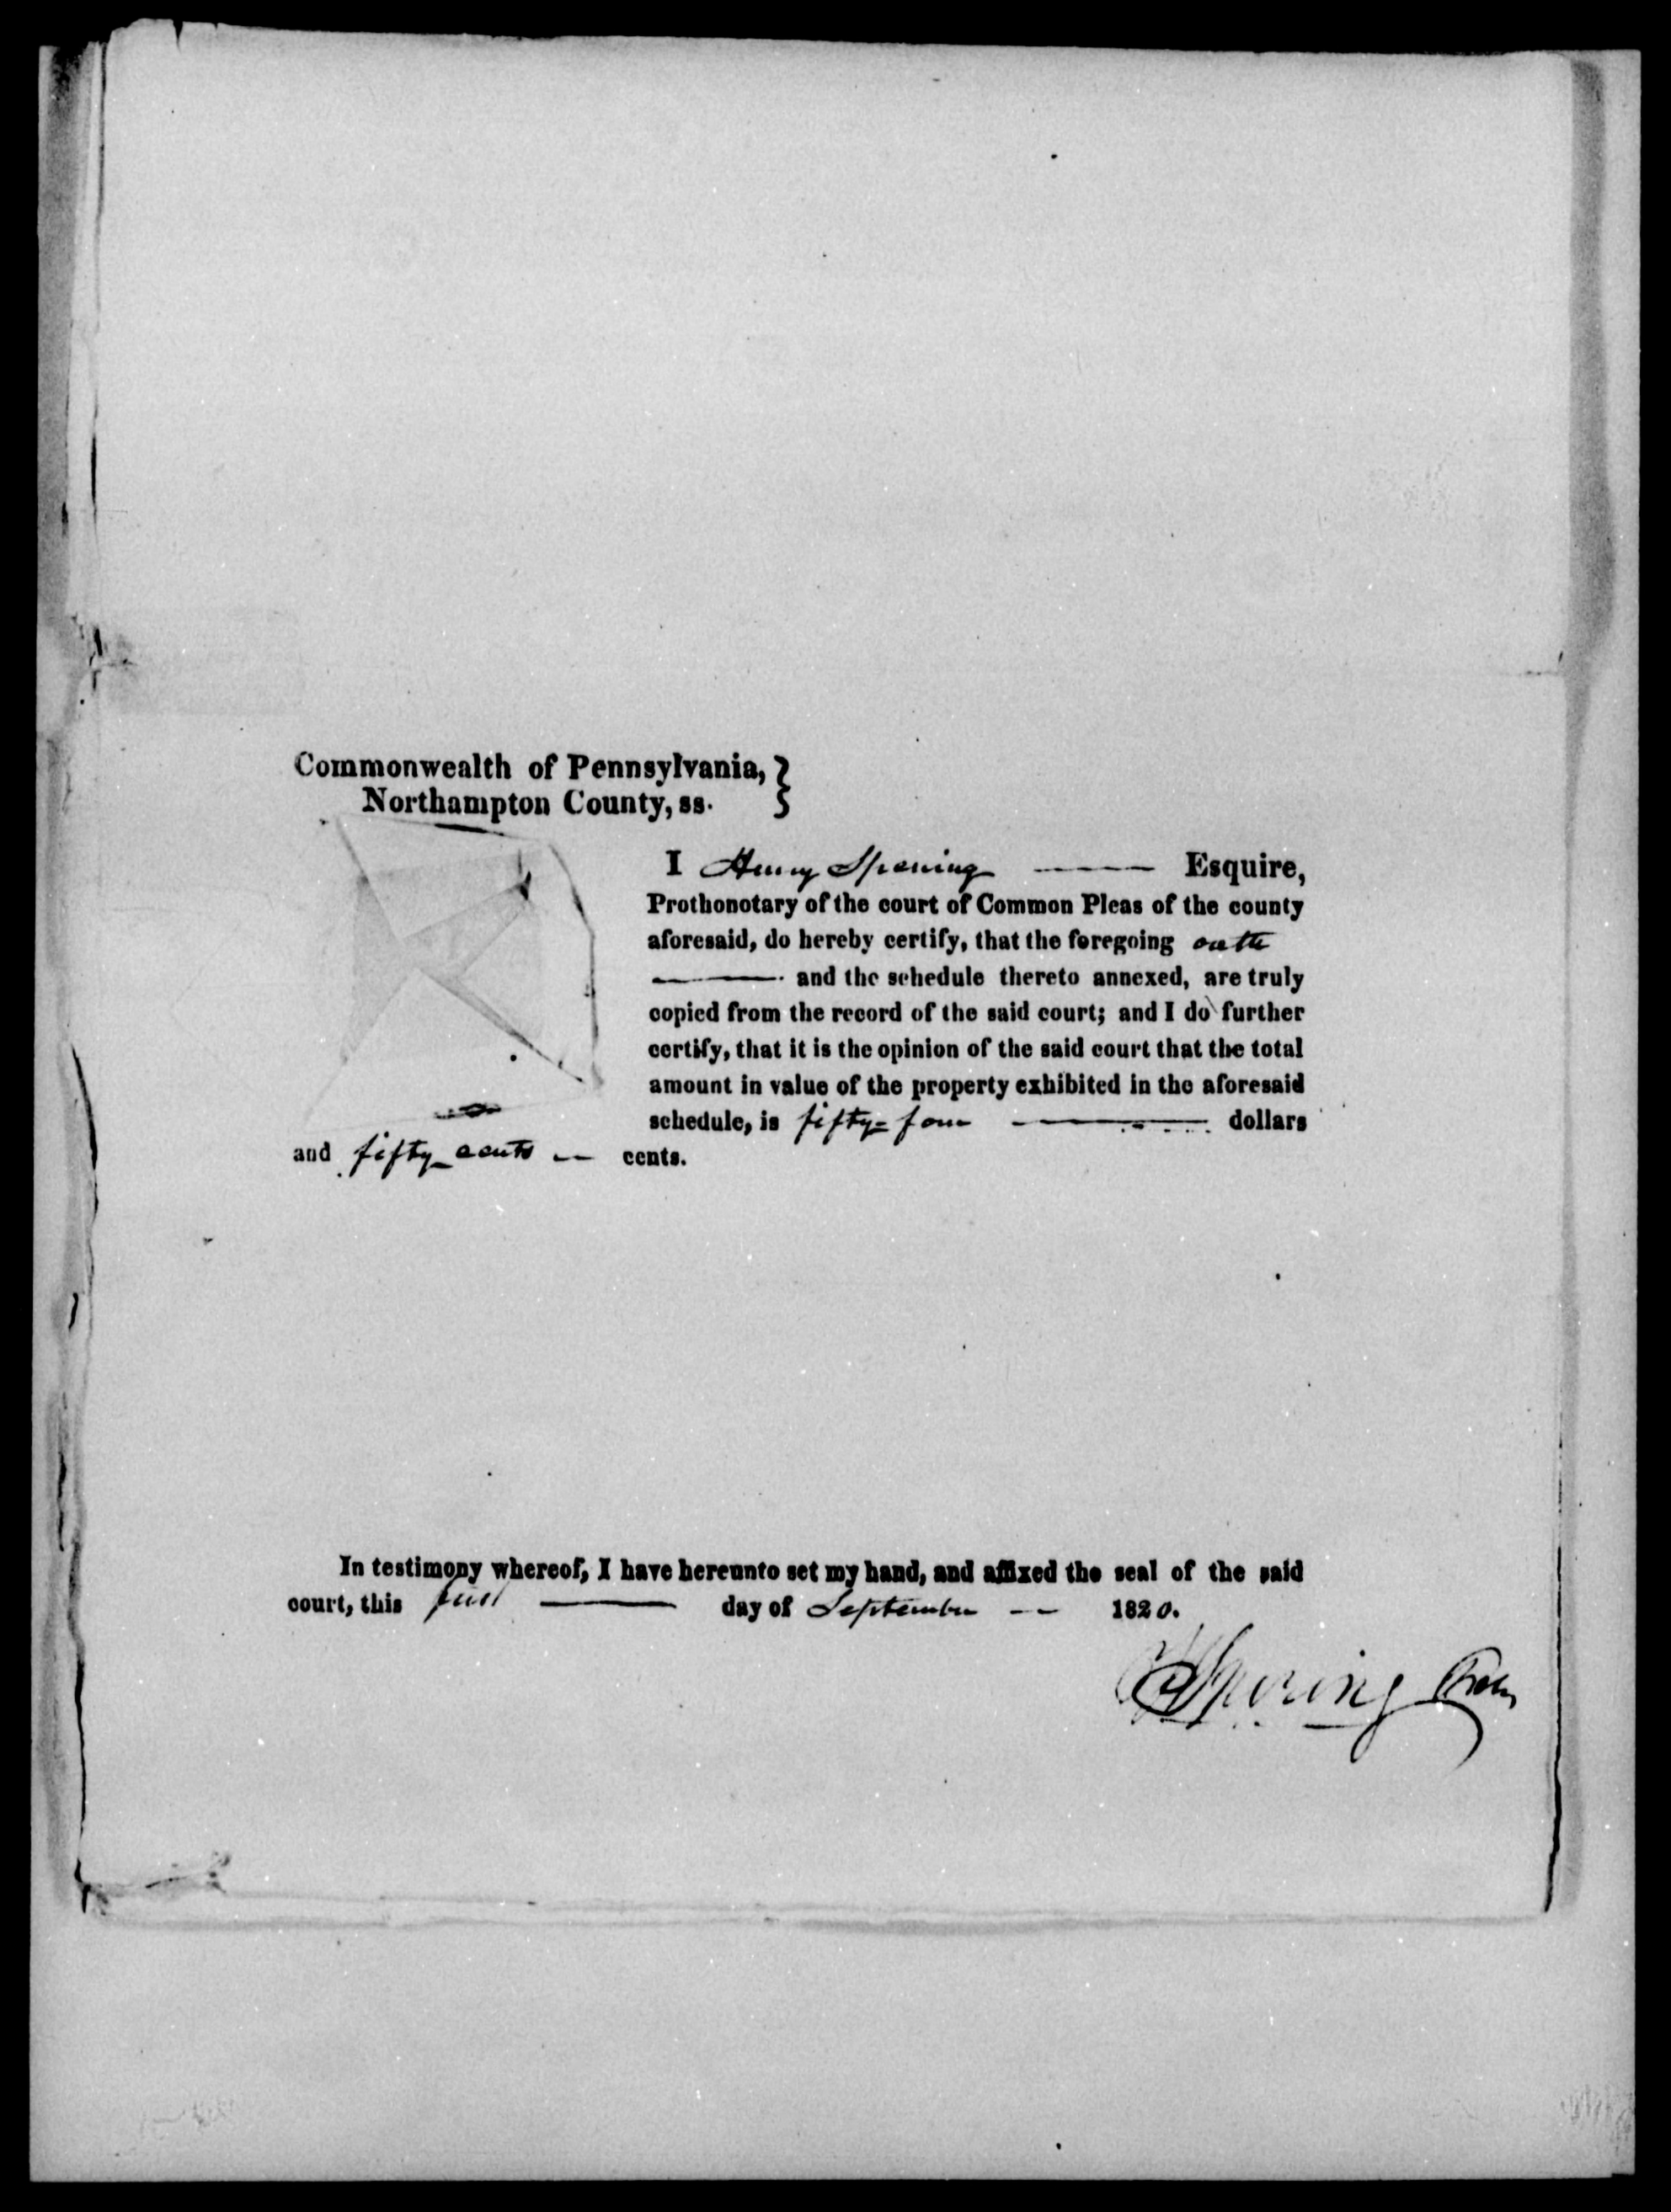Commonwealth of Pennsylvania, Northampton County, ss. 

I Henry Spering Esquire, Prothonotary of the court of Common Pleas of the county aforesaid, do hereby certify, that the foregoing oath and the schedule thereto annexed, are truly copied from the record of the said court; and I do further certify, that it is the opinion of the said court that the total amount in value of the property exhibited in the aforesaid schedule, is fifty-four dollars and fifty cents

In testimony whereof, I have hereunto set my hand, and affixed the seal of the said court, this first day of September 1820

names: H Spering; Henry Spering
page: 6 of 19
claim: survivor's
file: S. 40410, for Ludwig Shoup, Pennsylvania